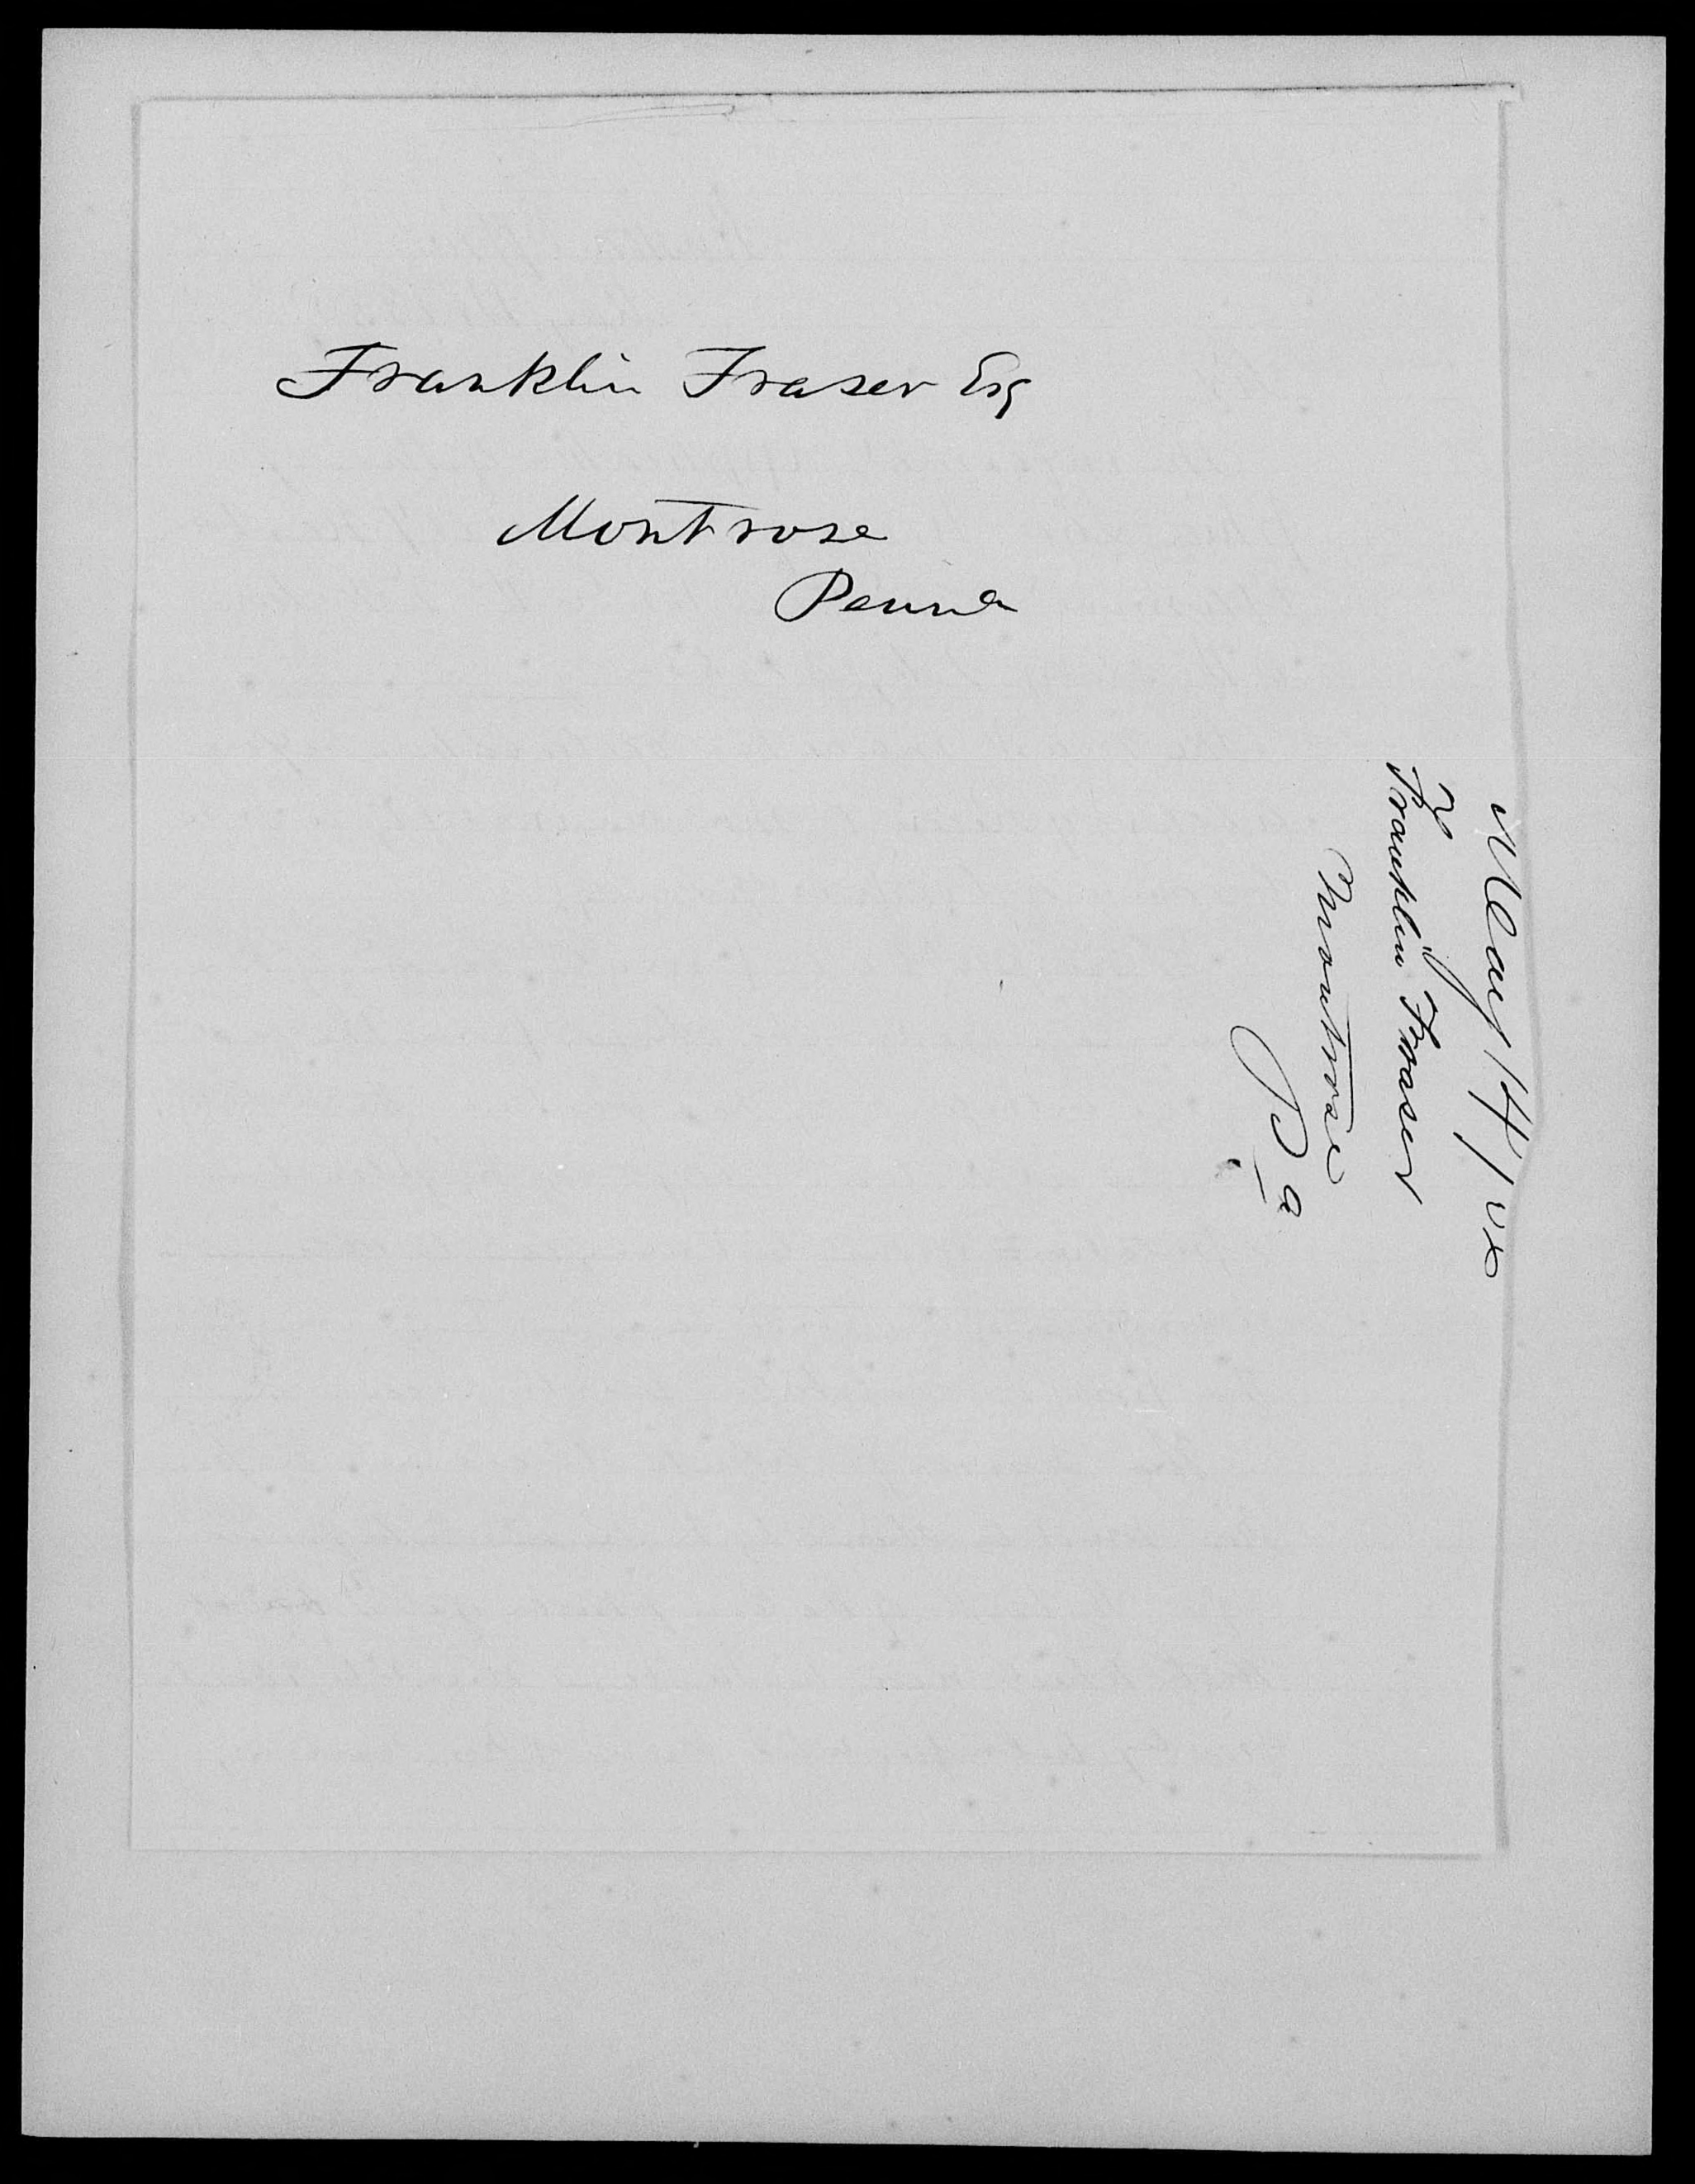Franklin Fraser Esq
Montrose
Penna

[written sideways]
May 14th
Franklin Fraser
Montrose
Pa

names: Franklin Fraser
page: 22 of 70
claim: rejected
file: R. 6510, for Israel Luce, New York